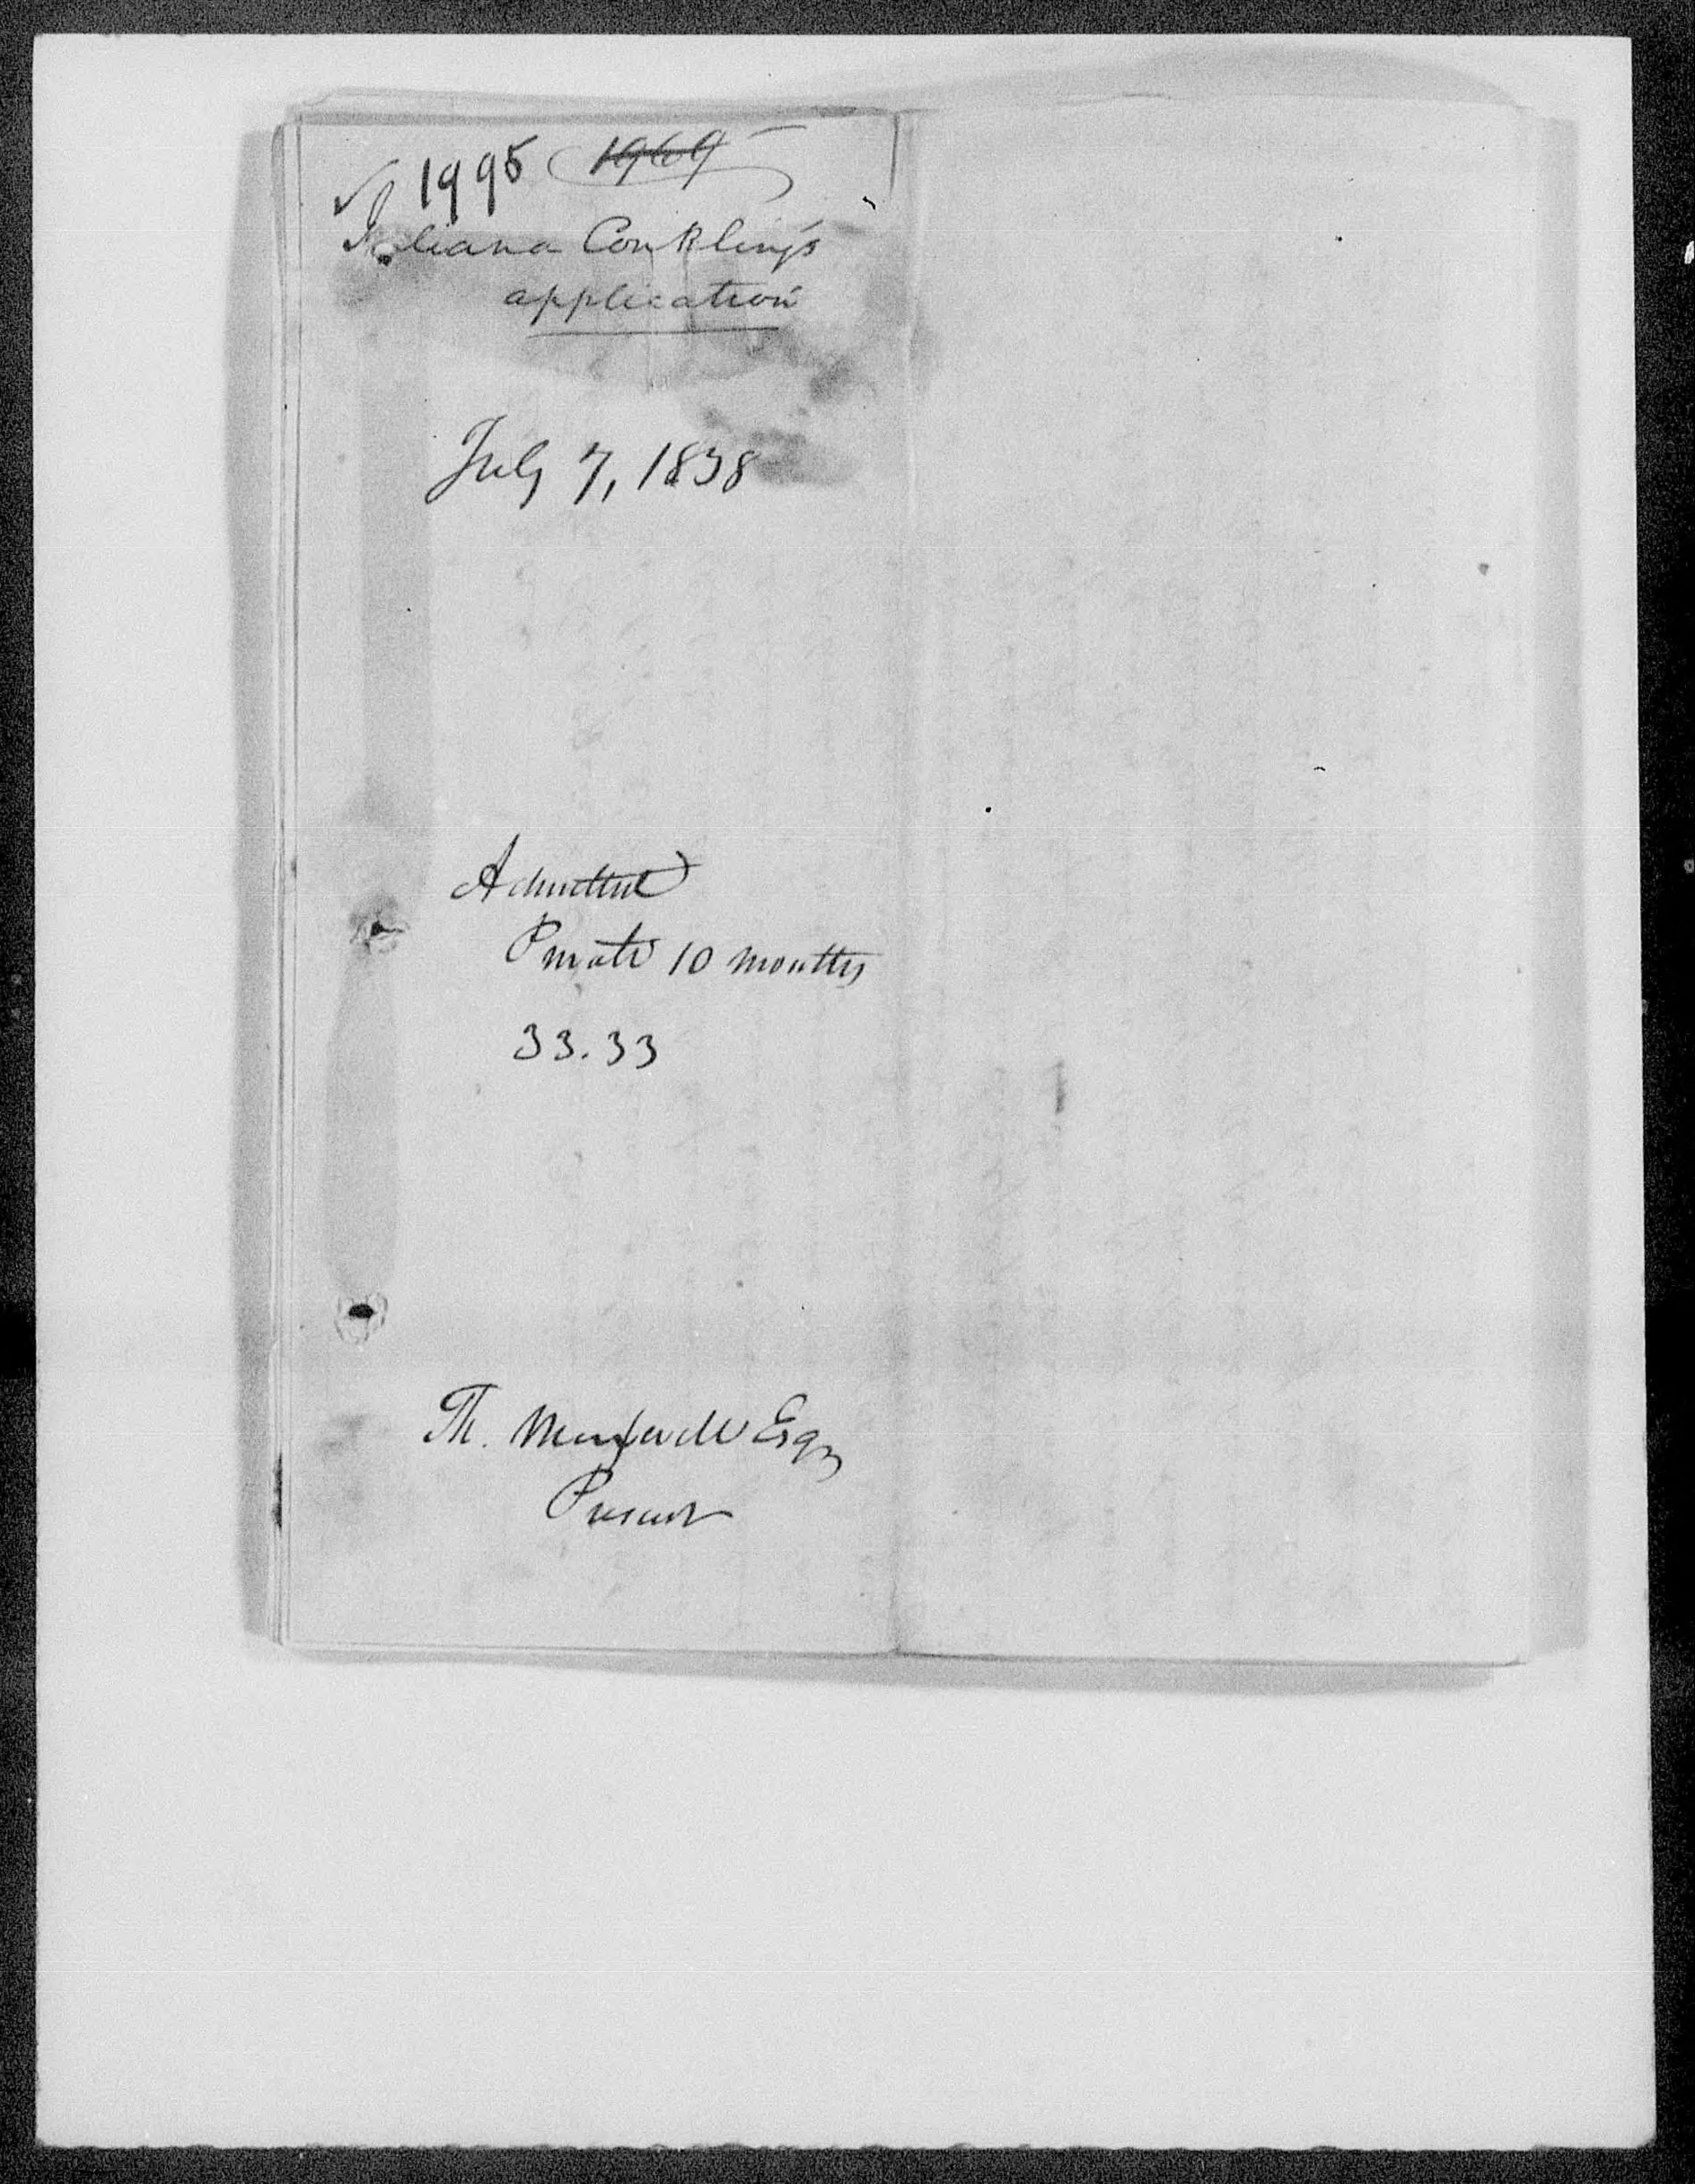1995
Juliana Conklings application
July 7, 1838
Admitted Private 10 months 33.33
Th. Maxwell Esq 
Pursor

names: Th Maxwell, Juliana Conkling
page: 3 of 18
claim: widow's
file: W. 18,939, Jonathan S Conkling, New York